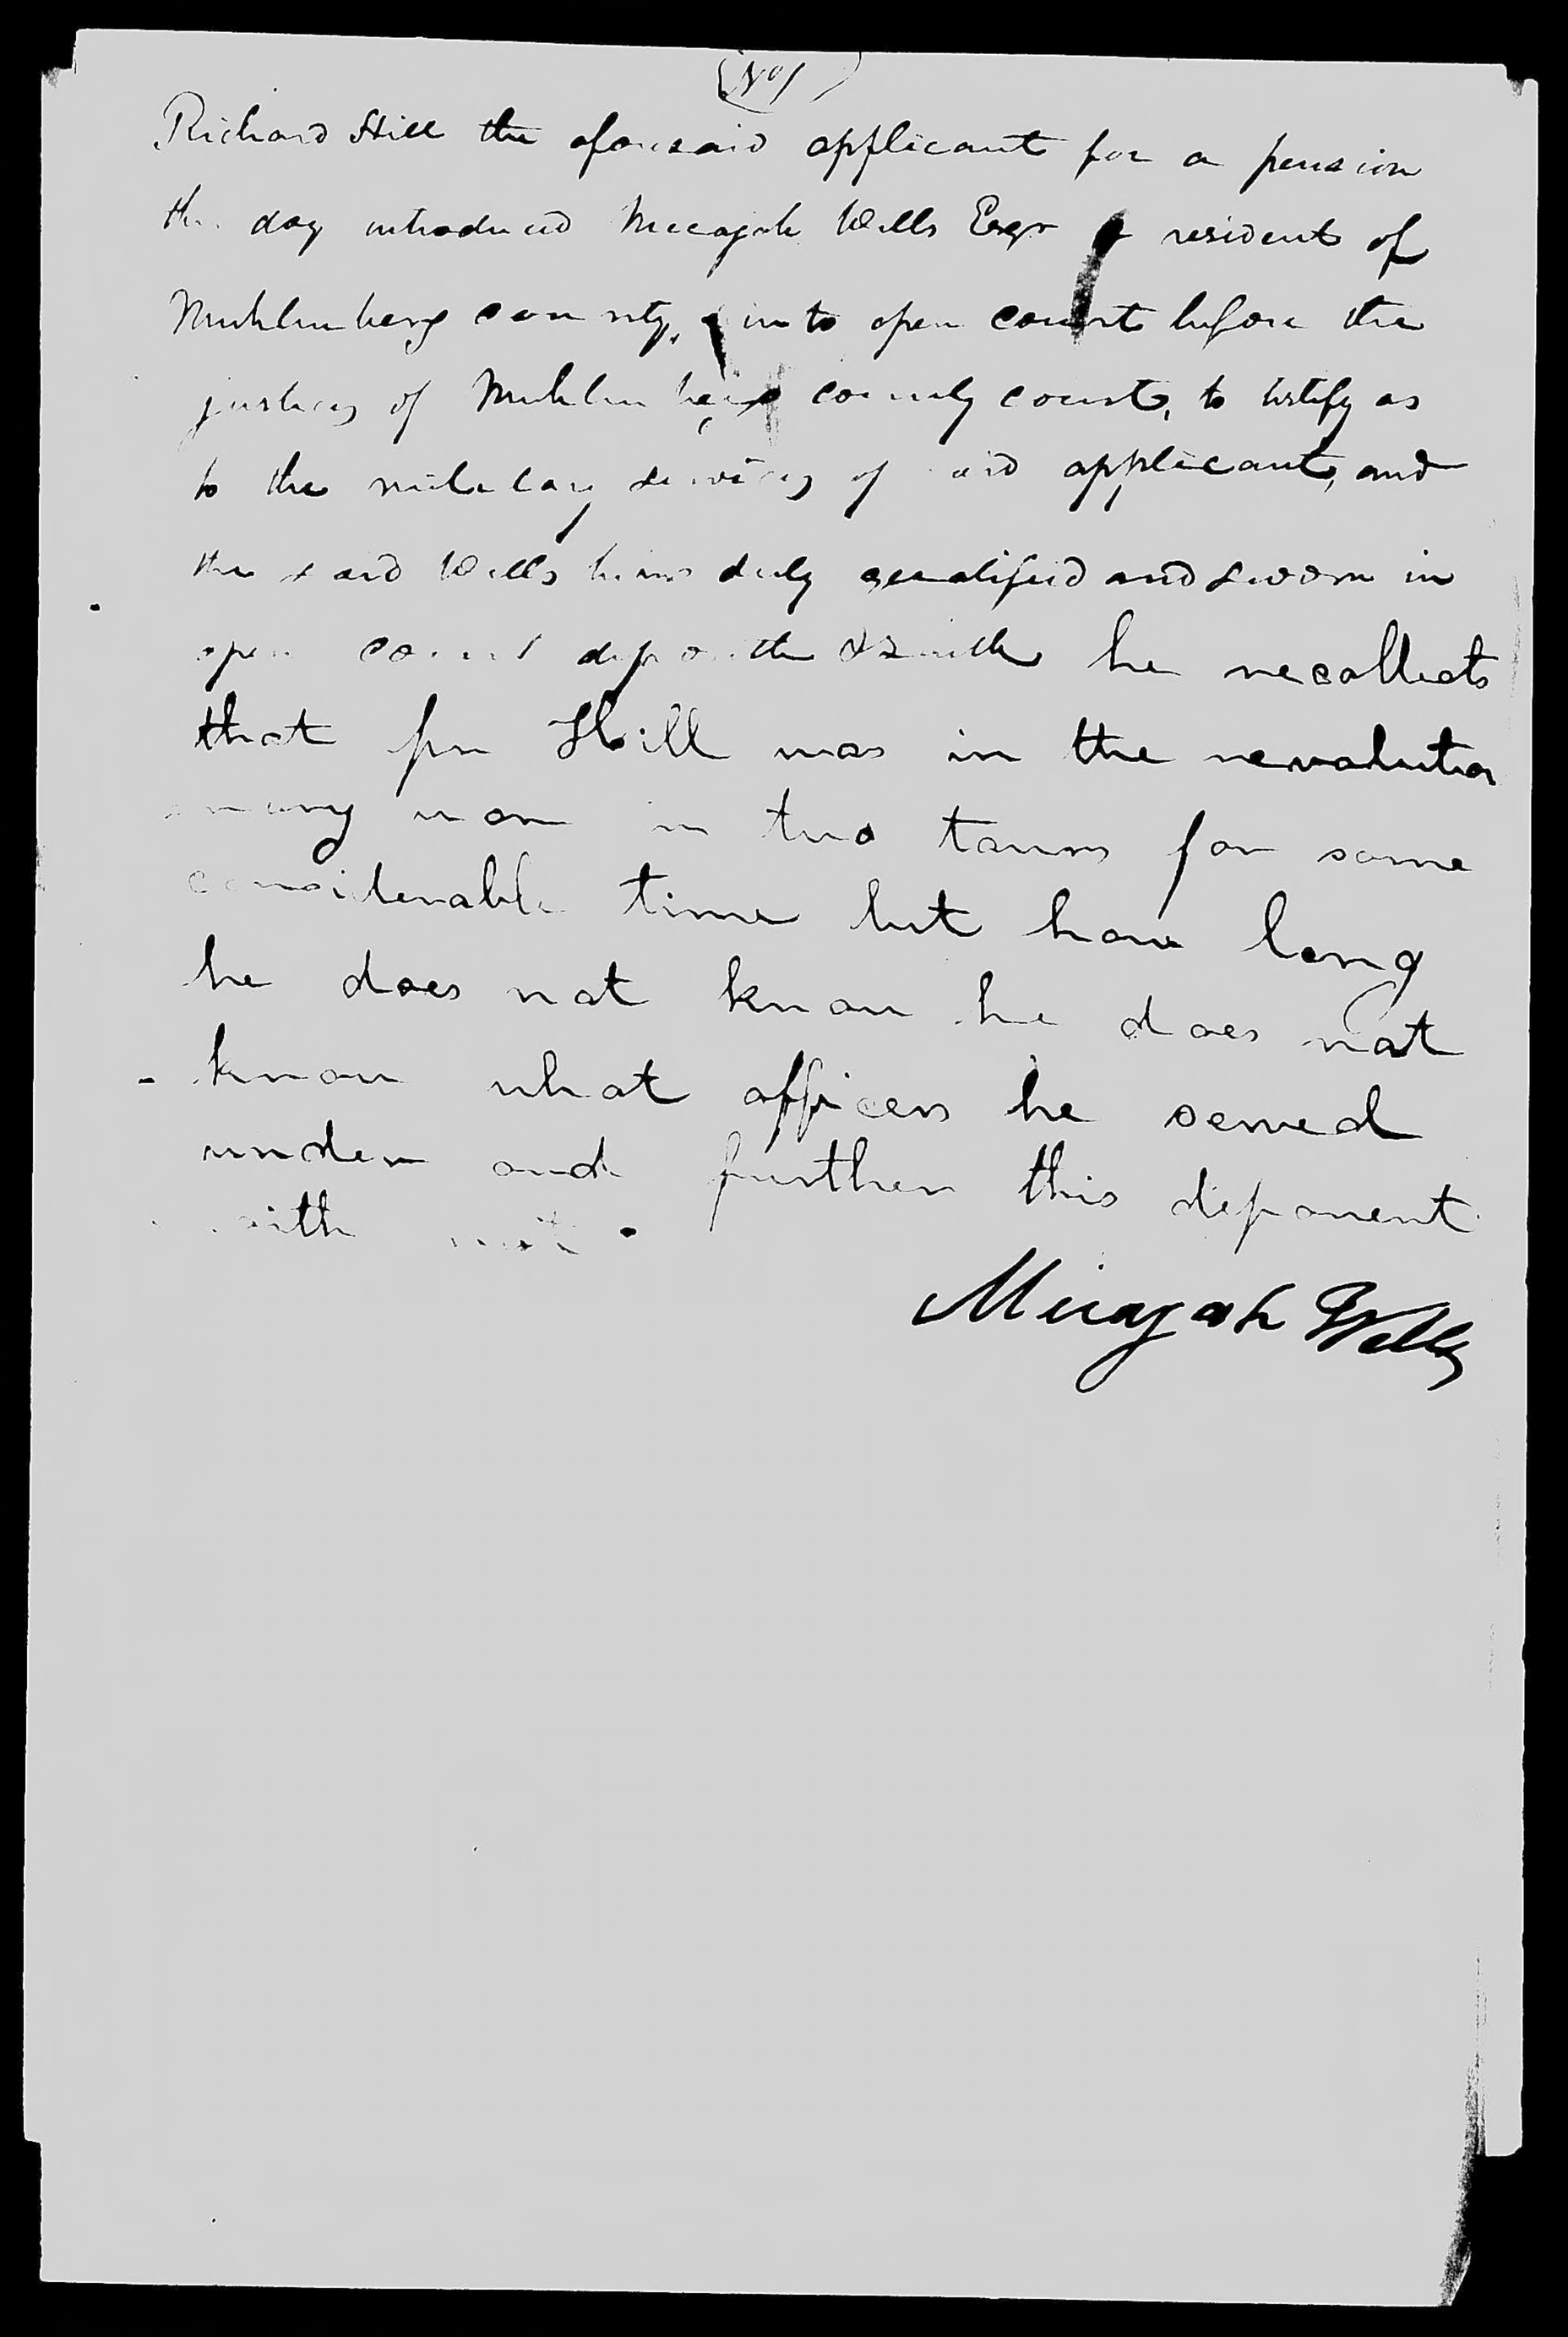(No 1)
Richard Hill the aforesaid applicant for a pension this day introduced Micajah Wells Esquire a resident of Muhlenberg County into open court before the justices of the Muhlenberg County court, to testify as to the military services of said applicant, and the said Wells being duly qualified and sworn in open court deposeth & saith he recollects that Mr. Hill was in the revolutionary war in two terms for some considerable time but how long he does not know – he does not know what officers he served under and further this deponent sayeth not. 

Micajah Wells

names: Richard Hill, Hill, Wells, Micajah Wells, Micajah Wells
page: 23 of 27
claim: rejected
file: R. 5006, Richard Hill, N.C.